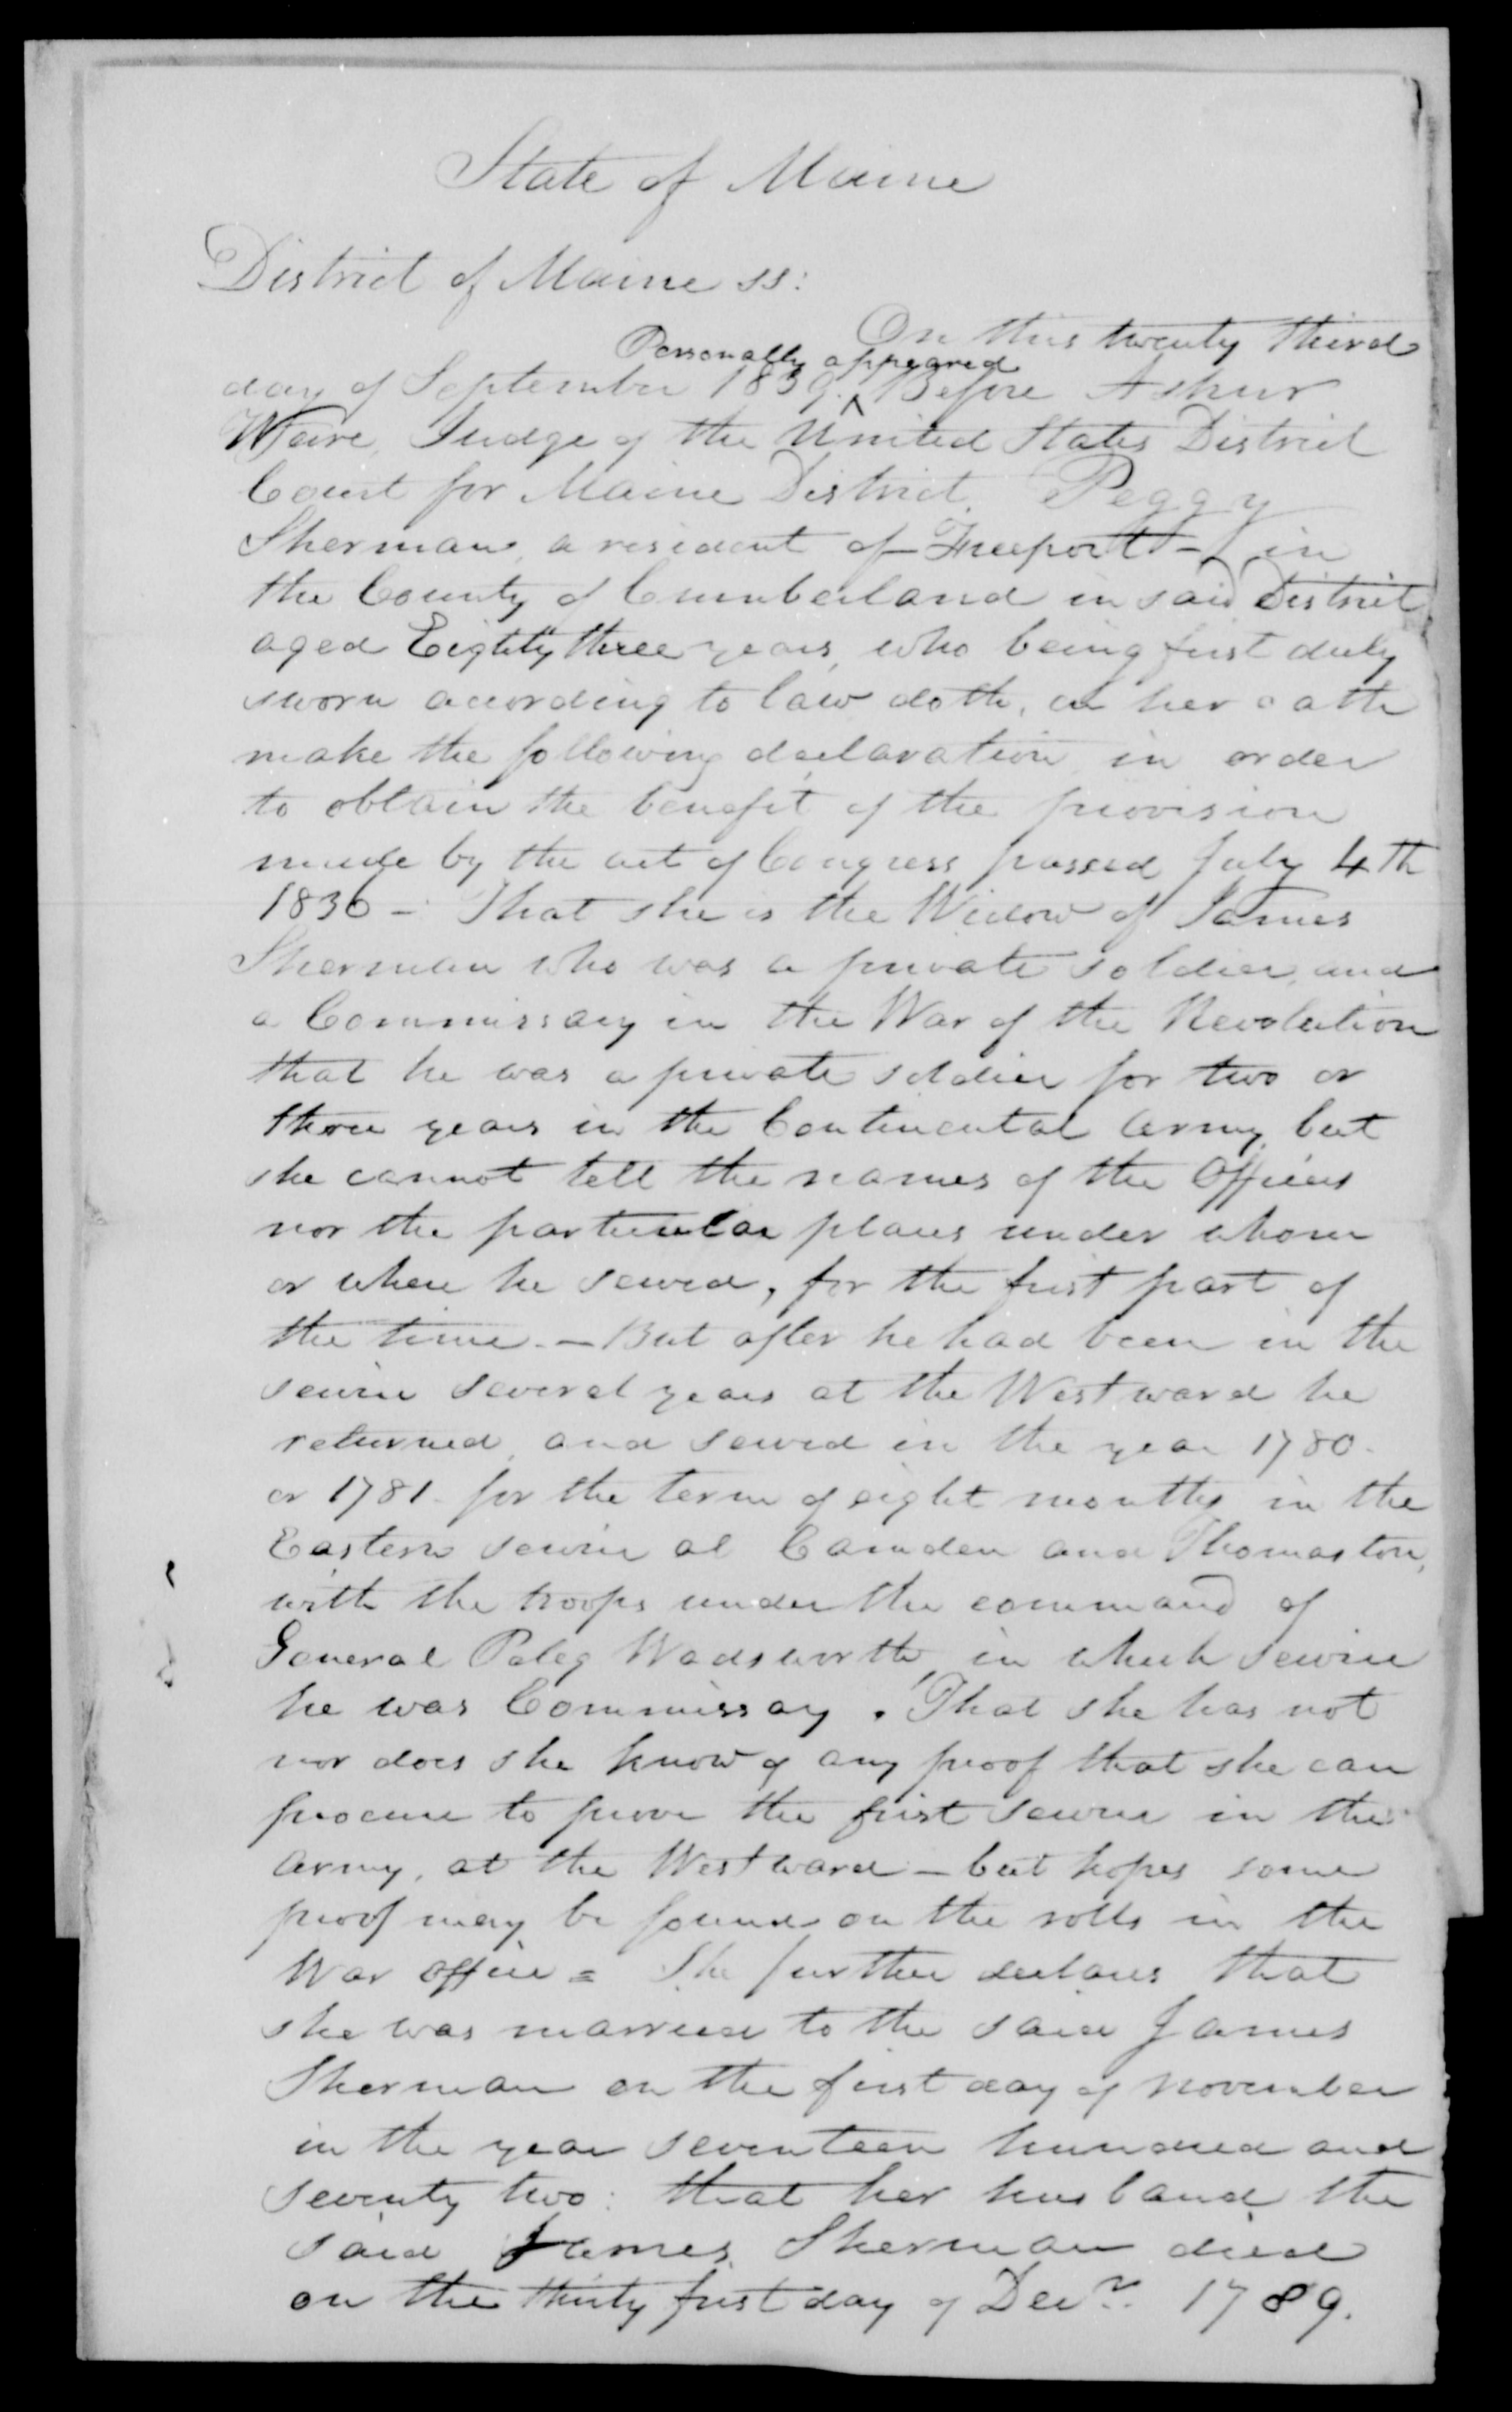[doc is written; page 1 of multipage doc]

State of Maine
District of Maine ss:
On this twenty third
day of September 1839 Personally appeared [2 words inserted] Before Ashur
Ware Judge of the United States District
Court for Maine District, Peggy
Sherman a resident of Freeport in
the County of Cumberland in the said District
aged Eighty three years, who being first duly
sworn according to law doth, on her oath
make the following declaration in order
to obtain the benefit of the provision
made by the act of Congress passed July 4th
1836---That she is the Widow of James
Sherman who was a private soldier and
a Commissary in the War of the Revolution
that he was a private soldier for two or
three years in the Continental Army but
she cannot tell the names of the Officers
nor the particular places under whom
and where he served, for the first part of
the time---But after he had been in the
service several years at the Westward he
returned and served in the year 1780
or 1781 for the term of eight months in the
Eastern service at Camden and Thomaston
with the troops under the command of
General Peleg Wadsworth in which service
he was Commissary. That she has not
nor does she know of any proof that she can
procure to prove the first service in the
Army at the Westward---but hopes some
proof may be found on the rolls in the
War office. She further declares that
she was married to the said James
Sherman on the first day of November
in the year seventeen hundred and
seventy two; that her husband the 
said James Sherman died
on the thirty first day of Decr 1789.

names: James Sherman; Peleg Wadsworth; James Sherman; Peggy Sherman; Ashur Ware; James Sherman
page: 12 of 20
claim: widow's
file: W. 22,200, for James Sherman, Massachusetts